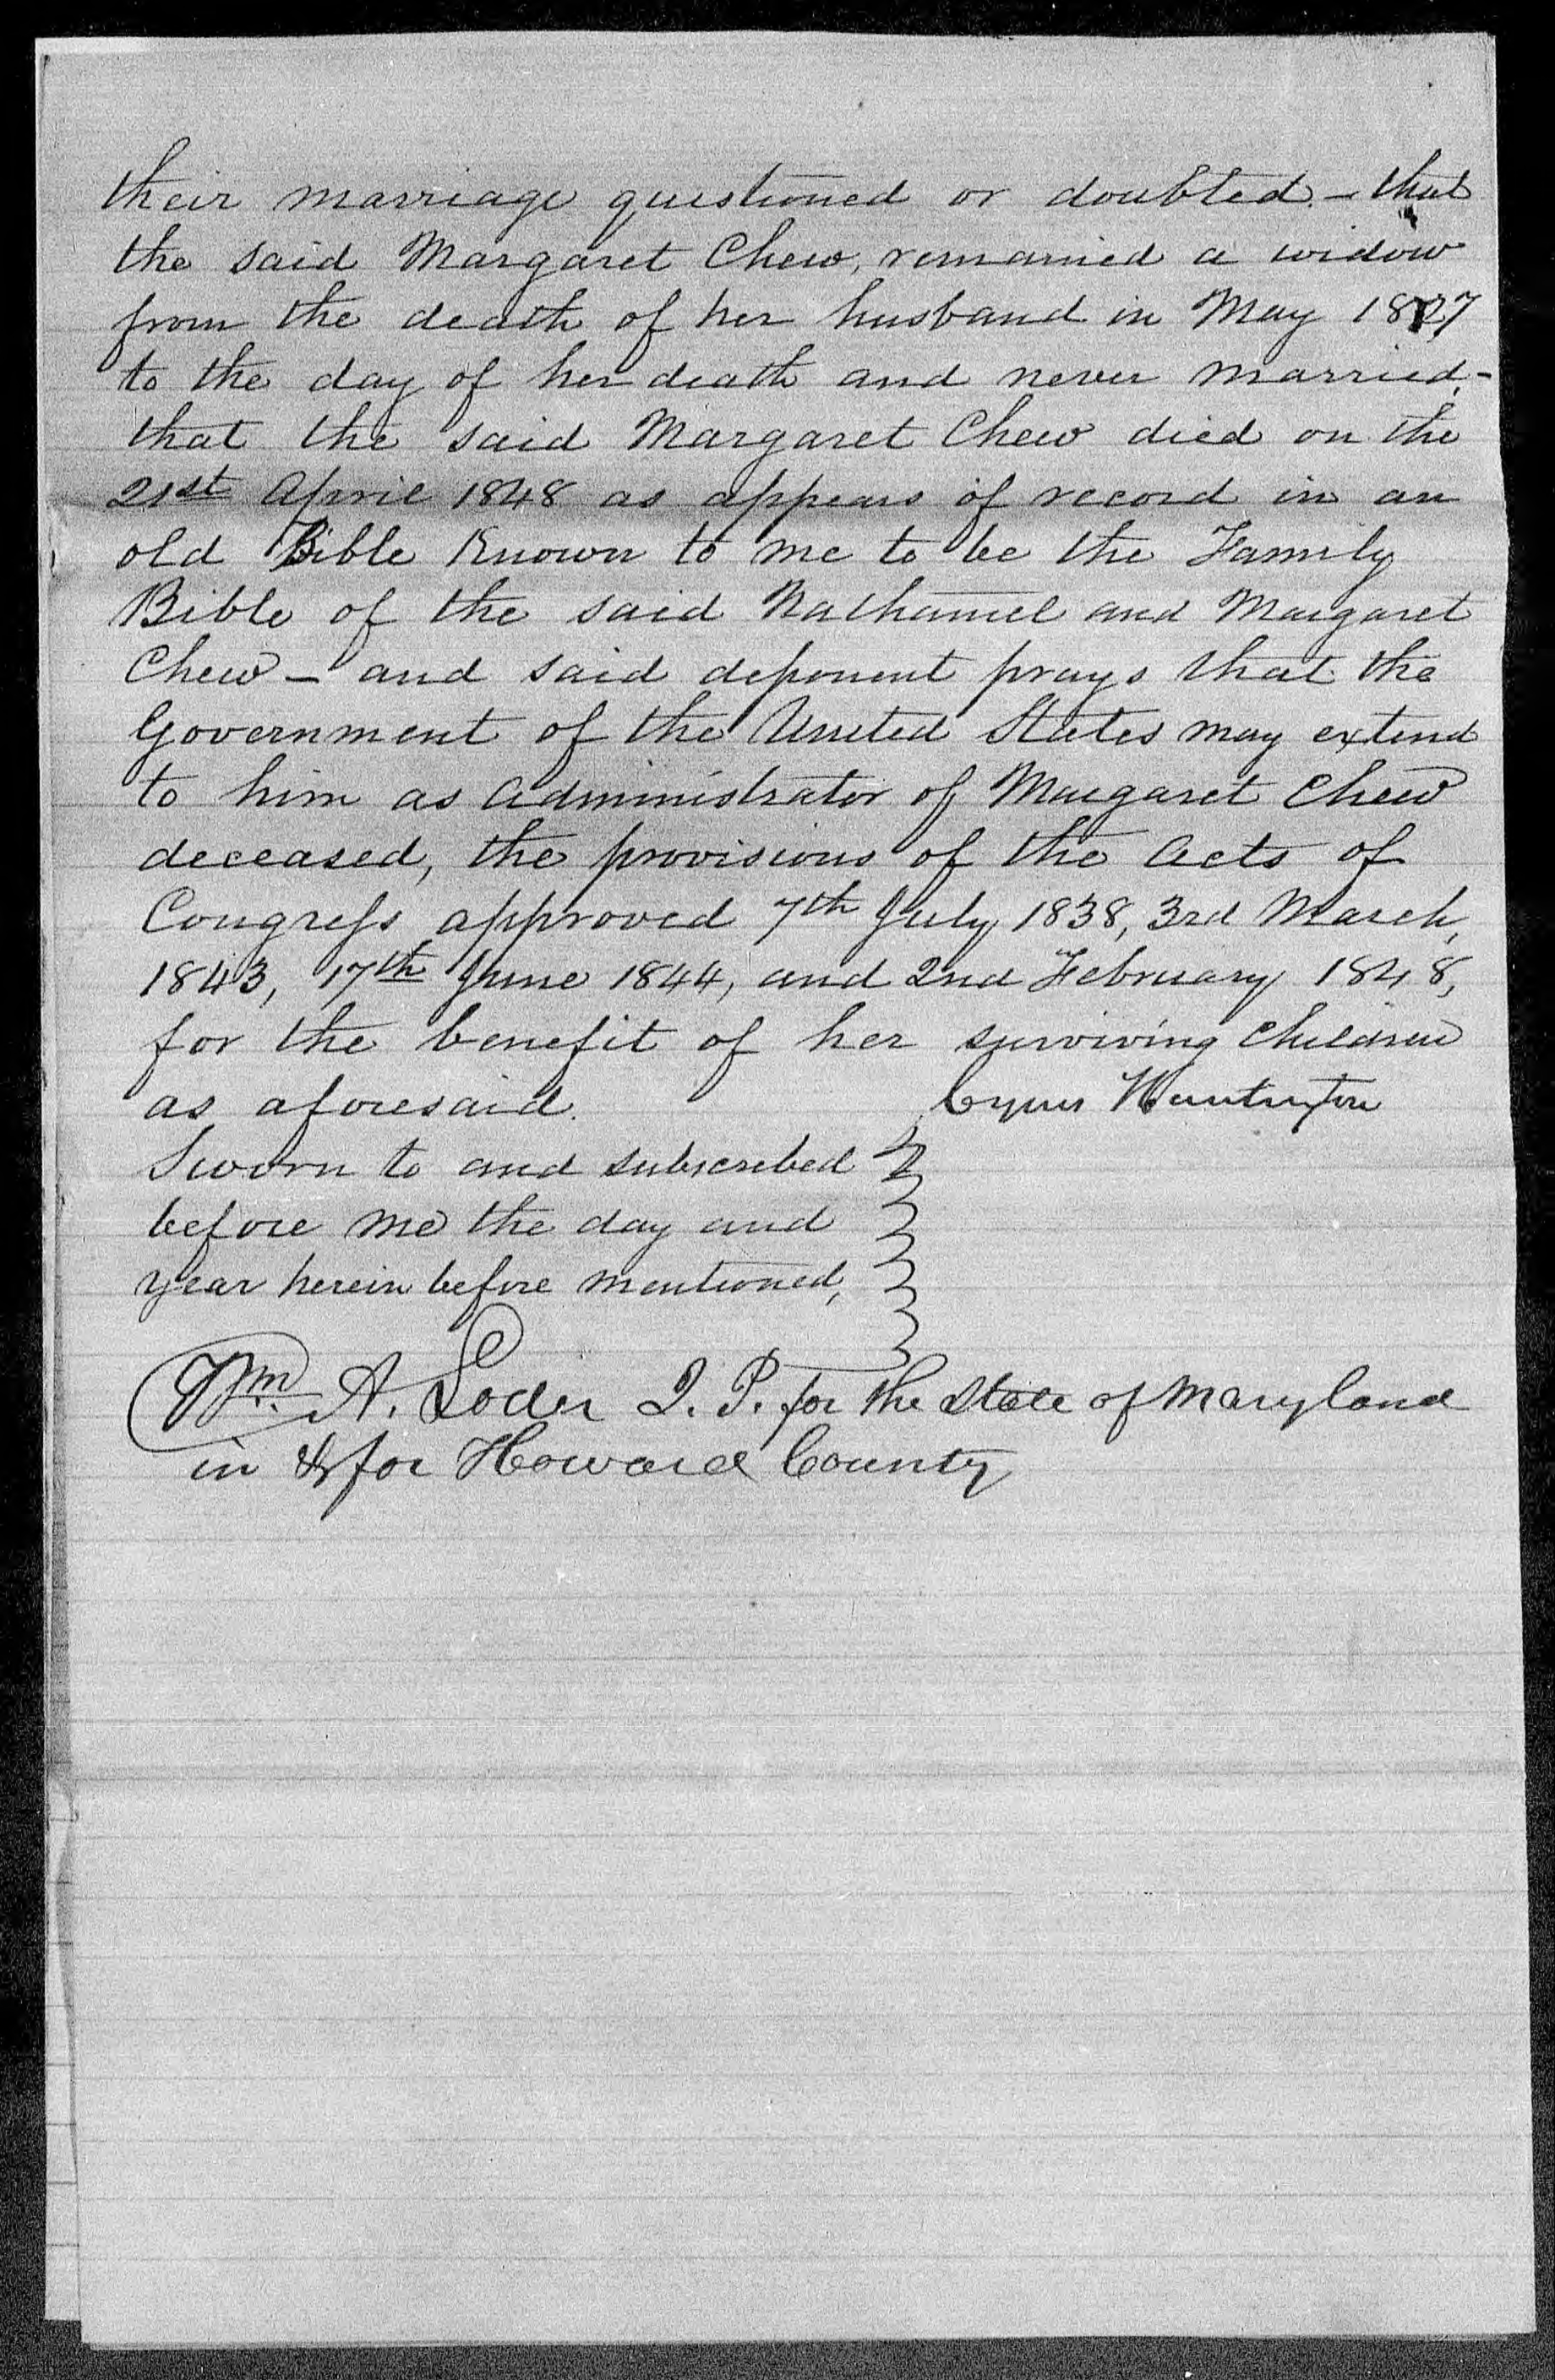their marriage questioned or doubted - that the said Margaret Chew, remained a widow from the death of her husband in May 1827 to the day of her death and never married - that the said Margaret Chew died on the 21st April 1848 as appears of record in an old Bible Known to me to be the Family Bible of the said Nathaniel and Margaret Chew - and said deponent prays that the Government of the United States may extend to him as Administrator of Margaret Chew deceased, the provisions of the Acts of Congress approved 7th July 1838, 3rd March 1843 17 June 1844, and 2nd February 1848, for the benefit of her surviving children as aforesaid.
[signed] Cyrus Huntington
Sworn to and subscribed before me the day and year herein before mentioned}
[signed] Wm. A. Loder J. P. for the State of Maryland in & for Howard County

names: Margaret Chew, Nathaniel, Margaret Chew, Wm A Loder, Margaret Chew, Cyrus Huntington, Margaret Chew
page: 20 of 59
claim: widow's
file: W. 9383, Nathaniel Chew, Navy (Md.)